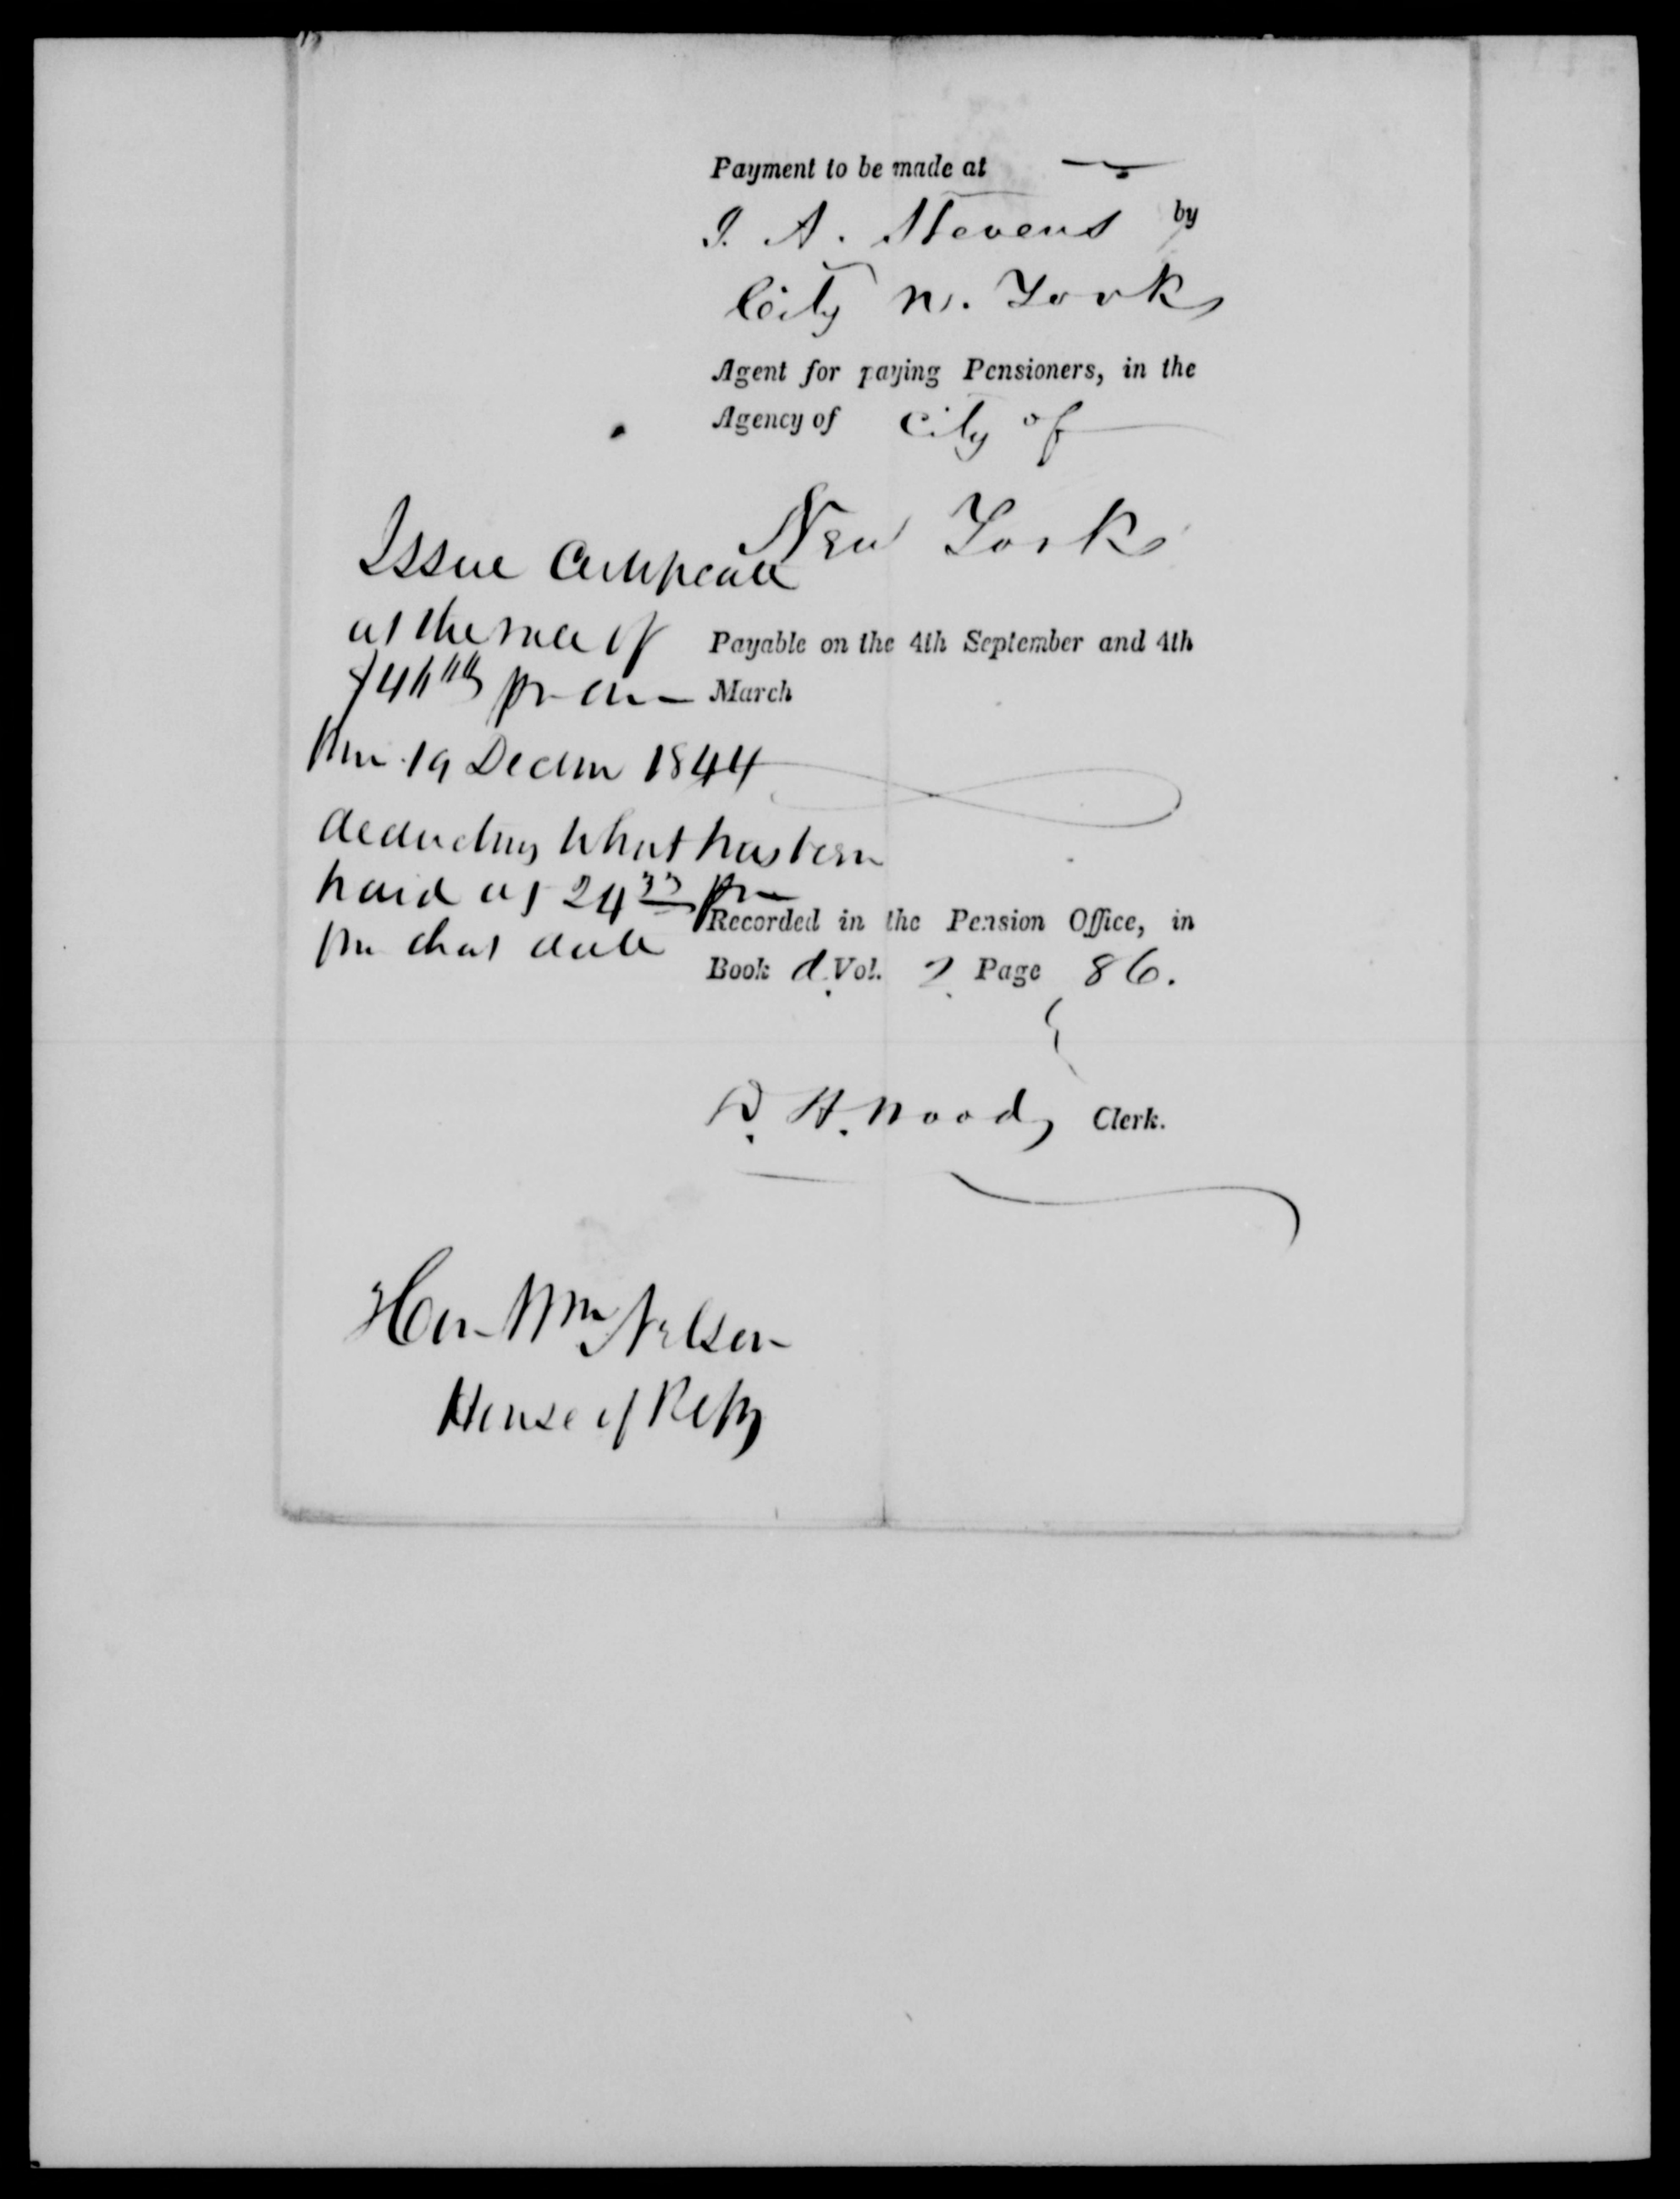Payment to be made at J. A. Stevens City N. York Agent for paying Pensioners, in the Agency of City of Issue New York 
Payable on the 4th September and 4th March 
Recorded in the Pension Office, in Book D. Vol.   2   Page 86.
D. H. Wood Clerk
Issue Certificate at the rate of $46.66 per annum from 19 Decem 1944
Deducting what has been paid at 24.33 per 
[unreadable]
Hon Wm Nelson House of Reps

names: J A Stevens; D H Woods; Wm Nelson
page: 48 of 87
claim: widow's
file: W. 22,226, for Nathan Slawson, Connecticut